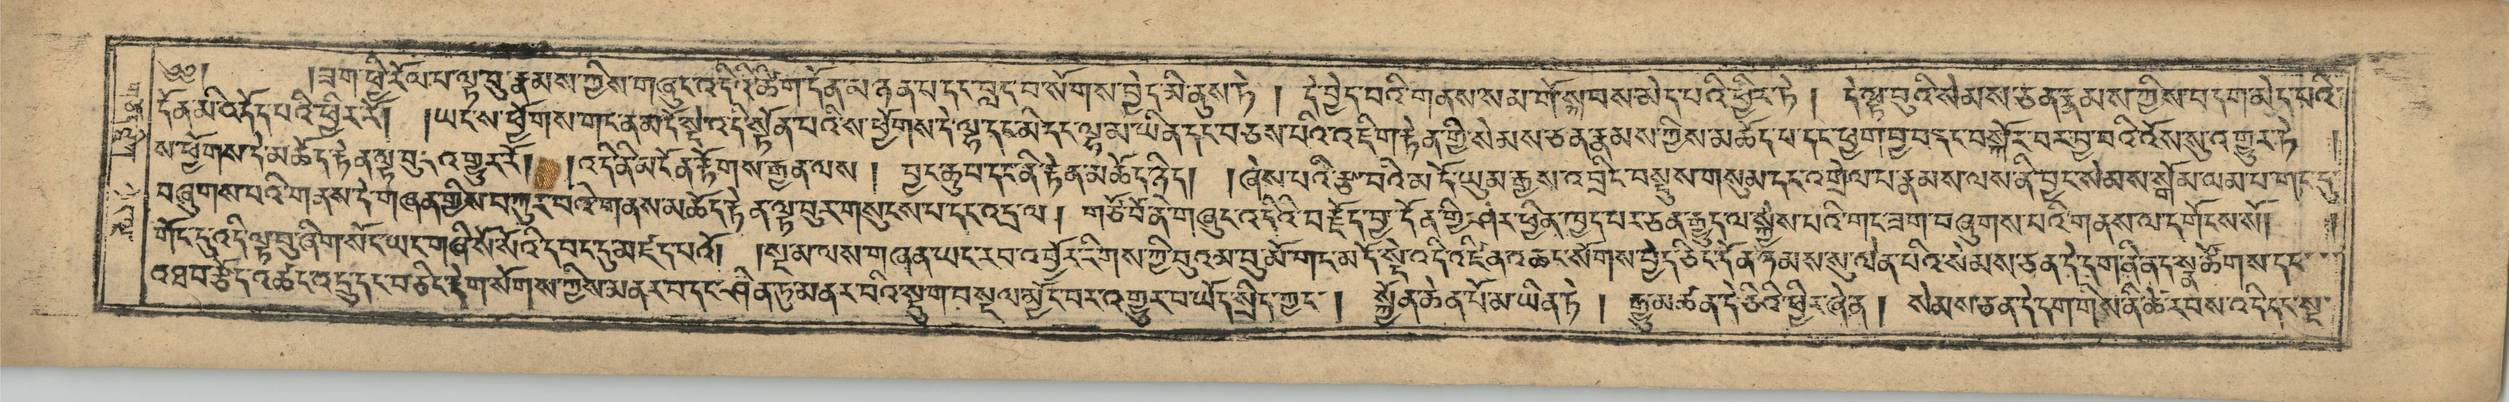༄༅། །ཟག་ཕྱི་རོལ་པ་ལྟ་བུ་རྣམས་ཀྱིས་གཞུང་འདིའི་ཚིག་དོན་མཉན་པ་དང་བླང་བ་སོགས་བྱེད་མི་ནུས་ཏེ། དེ་བྱེད་པའི་གནས་སམ་གོ་སྐབས་མེད་པའི་ཕྱིར་ཏེ། དེ་ལྟ་བུའི་སེམས་ཅན་རྣམས་ཀྱིས་བདག་མེད་པའི་
དོན་མི་འདོད་པའི་ཕྱིར་རོ། །ཡང་ས་ཕྱོགས་གང་ན་མདོ་སྡེ་འདི་སྟོན་པའི་ས་ཕྱོགས་དེ་ལྷ་དང་མི་དང་ལྷ་མ་ཡིན་དང་བཅས་པའི་འཇིག་རྟེན་གྱི་སེམས་ཅན་རྣམས་ཀྱིས་མཆོད་པ་དང་ཕྱག་བྱ་བ་དང་བསྐོར་བར་བྱ་བའི་འོས་སུ་འགྱུར་ཏེ།
ས་ཕྱོགས་དེ་མཆོད་རྟེན་ལྟ་བུར་འགྱུར་རོ། །འདི་ནི་མངོན་རྟོགས་རྒྱན་ལས། བྱང་ཆུབ་དང་ནི་རྟེན་མཆོད་ཉིད། །ཞེས་པའི་རྩ་བའི་མདོ་ཡུམ་རྒྱས་འབྲིང་བསྡུས་གསུམ་དང་འགྲེལ་པ་རྣམས་ལས་ནི་བྱང་སེམས་སྒོམ་ལམ་པ་གང་དུ་
བཞུགས་པའི་གནས་དེ་གཞན་གྱིས་བཀུར་བའི་གནས་མཆོད་རྟེན་ལྟ་བུར་གསུངས་པ་དང་འདྲ་ལ། གཙོ་བོ་ནི་གཞུང་འདིའི་བརྗོད་བྱ་དོན་གྱི་ཤེར་ཕྱིན་ཁྱད་པར་ཅན་རྒྱུད་ལ་སྐྱེས་པའི་གང་ཟག་བཞུགས་པའི་གནས་ལ་དགོངས་སོ། །
གོང་དུ་འདི་ལྟ་བུ་ཞིག་སོང་ཡང་གཞི་སོ་སོའི་དབང་དུ་མཛད་པའོ། །སྔ་མ་ལས་གཞན་ཡང་རབ་འབྱོར་རིགས་ཀྱི་བུའམ་བུ་མོ་གང་མདོ་སྡེ་འདི་འཛིན་འཆད་སོགས་བྱེད་ཅིང་དོན་ཉམས་སུ་ལེན་པའི་སེམས་ཅན་དེ་དག་ནི་ནད་སྣ་ཚོགས་དང་
འཐབ་རྩོད་འཚང་འདྲུ་དང་བཅིང་རྡེག་སོགས་ཀྱིས་མནར་བ་དང་ཤིན་ཏུ་མནར་བའི་སྡུག་བསྔལ་མྱོང་བར་འགྱུར་བ་ཡོད་སྲིད་ཀྱང་། སྐྱོན་ཆེན་པོ་མ་ཡིན་ཏེ། རྒྱུ་མཚན་དེ་ཅིའི་ཕྱིར་ཞེ་ན། སེམས་ཅན་དེ་དག་གིས་ནི་ཚེ་རབས་འདི་དང་སྔ་